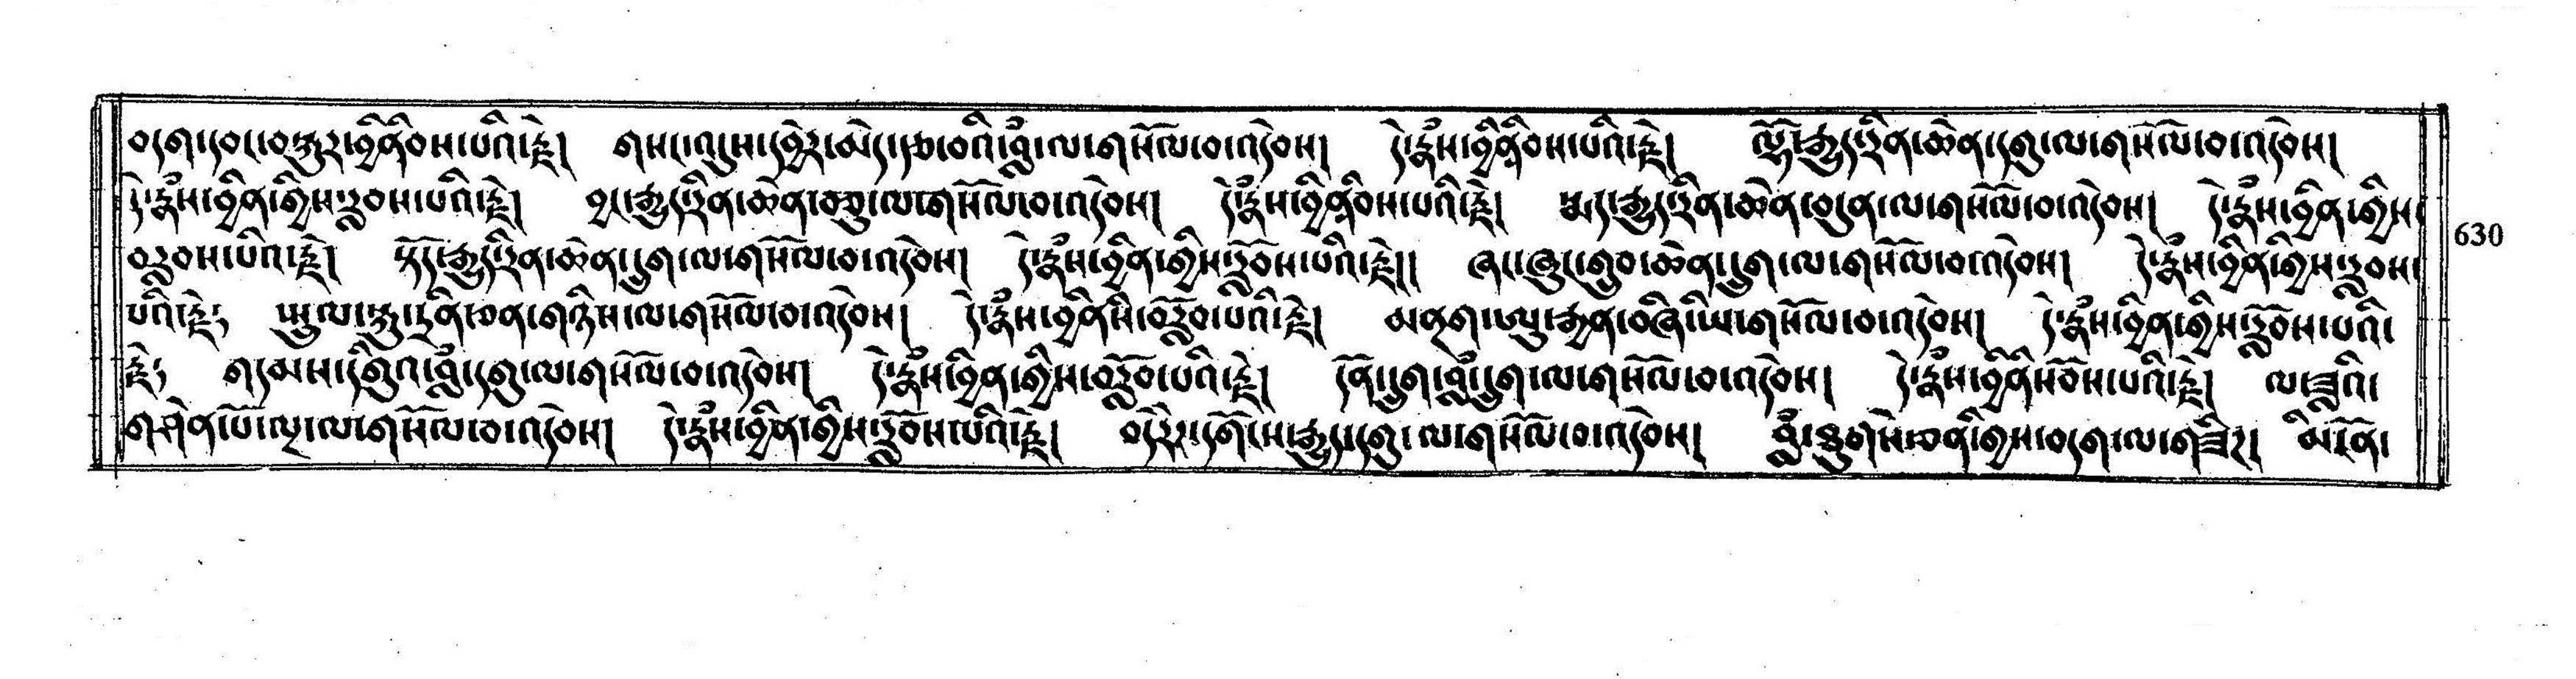བདག་ལ་དབང་བསྐུར་བྱིན་གྱིས་རླབས་པའི་རྗེ། གསང་འདུས་དབྱེར་མེད་རྩ་བའི་བླ་མ་ལ་གསོལ་བ་འདེབས། དེ་རྣམས་བྱིན་གྱིས་རླབས་པའི་རྗེ། ལྷོ་རྒྱུད་རིན་ཆེན་དགུ་ལ་གསོལ་བ་འདེབས། 
དེ་རྣམས་བྱིན་གྱིས་རླབས་པའི་རྗེ། བྱང་རྒྱུད་རིན་ཆེན་བཅུ་ལ་གསོལ་བ་འདེབས། དེ་རྣམས་བྱིན་གྱིས་རླབས་པའི་རྗེ། སྨད་རྒྱུད་རིན་ཆེན་བདུན་ལ་གསོལ་བ་འདེབས། དེ་རྣམས་བྱིན་གྱིས་
བརླབས་པའི་རྗེ། སྟོད་རྒྱུད་རིན་ཆེན་དྲུག་ལ་གསོལ་བ་འདེབས། དེ་རྣམས་བྱིན་གྱིས་རློབས་པའི་རྗེ།། ཞང་ཞུང་གྲུབ་ཆེན་དྲུག་ལ་གསོལ་བ་འདེབས། དེ་རྣམས་བྱིན་གྱིས་རླབས་
པའི་རྗེ། སྤྲུལ་སྐུ་དྲིན་ཅན་གཉིས་ལ་གསོལ་བ་འདེབས། དེ་རྣམས་བྱིན་གྱིས་བརློབ་པའི་རྗེ། མན་ངག་ཨུ་རྒྱན་བཞི་ལ་གསོལ་བ་འདེབས། དེ་རྣམས་བྱིན་གྱིས་རློབས་པའི་
རྗེ། གདམས་དགུའི་བླ་མ་དགུ་ལ་གསོལ་བ་འདེབས། དེ་རྣམས་བྱིན་གྱིས་བརློབ་པའི་རྗེ། དོན་དྲུག་བླ་མ་དྲུག་ལ་གསོལ་བ་འདེབས། དེ་རྣམས་བྱིན་གྱིས་རློབས་པའི་རྗེ། ལ་ཟླའི་
གཤེན་པོ་ལྔ་ལ་གསོལ་བ་འདེབས། དེ་རྣམས་བྱིན་གྱིས་རློབས་པའི་རྗེ། བདེར་གཤེགས་དགོངས་རྒྱུད་དགུ་ལ་གསོལ་བ་འདེབས། བླ་མ་ཐུགས་རྗེ་ཅན་གྱིས་བདག་ལ་གཟིགས། མི་མངོན་